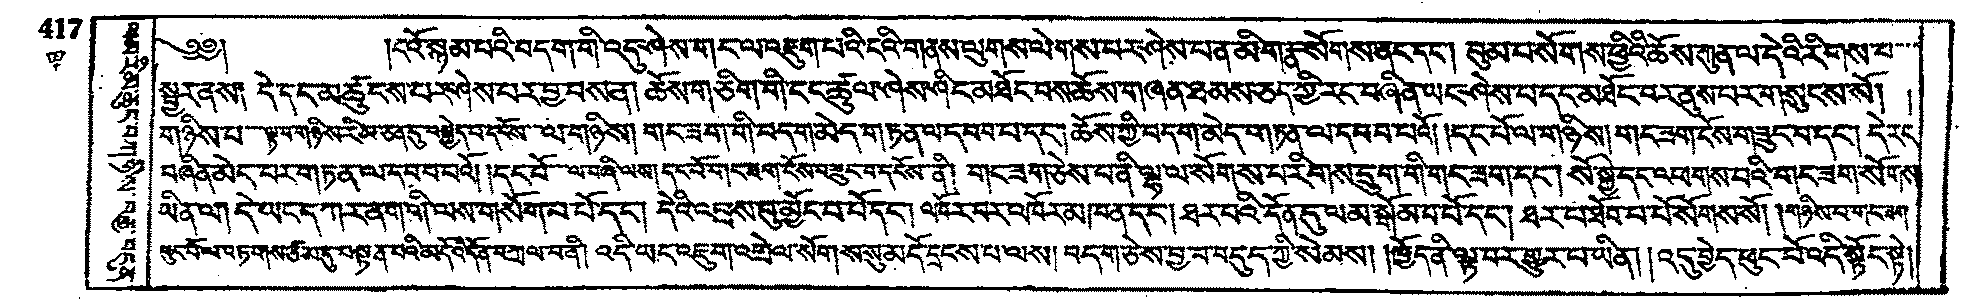༄༅། །ངའོ་སྙམ་པའི་བདག་གི་འདུ་ཤེས་གང་ལ་འཇུག་པའི་ངའི་གནས་ལུགས་ལེགས་པར་ཤེས་པ་ན་མིག་རྣ་སོགས་ནང་དང་། བུམ་པ་སོགས་ཕྱིའི་ཆོས་ཀུན་ལ་དེའི་རིགས་པ་
སྦྱར་ནས། དེ་དང་མཚུངས་པར་ཤེས་པར་བྱ་བས་ན། ཆོས་གཅིག་གི་ངང་ཚུལ་ཤེས་ཤིང་མཐོང་བས་ཆོས་གཞན་ཐམས་ཅད་ཀྱི་རང་བཞིན་ཡང་ཤེས་པ་དང་མཐོང་བར་ནུས་པར་གསུངས་སོ། །
གཉིས་པལྟ་བ་གཉིས་རིམ་ཅན་དུ་བསྐྱེད་པ་དངོསལ་གཉིས། གང་ཟག་གི་བདག་མེད་གཏན་ལ་དབབ་པ་དང་། ཆོས་ཀྱི་བདག་མེད་གཏན་ལ་དབབ་པའོ། །དང་པོ་ལ་གཉིས། གང་ཟག་ངོས་གཟུང་བ་དང་། དེ་རང་
བཞིན་མེད་པར་གཏན་ལ་དབབ་པའོ། །དང་པོལ་བཞི་ལས། དང་པོ་གང་ཟག་ངོས་བཟུང་བ་དངོསནི། གང་ཟག་ཅེས་པ་ནི་ལྷ་ལ་སོགས་པ་རིགས་དྲུག་གི་གང་ཟག་དང་། སོ་སྐྱེ་དང་འཕགས་བའི་གང་ཟག་སོགས་
ཡིན་ལ། དེ་ཡང་དཀར་ནག་གི་ལས་གསོག་པ་པོ་དང་། དེའི་འབྲས་བུ་མྱོང་བ་པོ་དང་། འཁོར་བར་འཁོར་མཁན་དང་། ཐར་པའི་དོན་དུ་ལམ་སྒོམ་པ་པོ་དང་། ཐར་པ་ཐོབ་པ་པོ་སོགས་སོ། །གཉིས་པ་གང་ཟག་
ཕུང་པོ་ལ་བཏགས་ཙམ་དུ་བསྟན་པའི་མདོའི་དོན་བཀྲལ་བ་ནི། འདི་ཡང་འཇུག་འགྲེལ་སོགས་སུ་མདོ་དྲངས་པ་ལས། བདག་ཅེས་བྱ་བ་བདུད་ཀྱི་སེམས། །ཁྱོད་ནི་ལྟ་བར་གྱུར་པ་ཡིན། །འདུ་བྱེད་ཕུང་པོ་འདི་སྟོང་སྟེ།